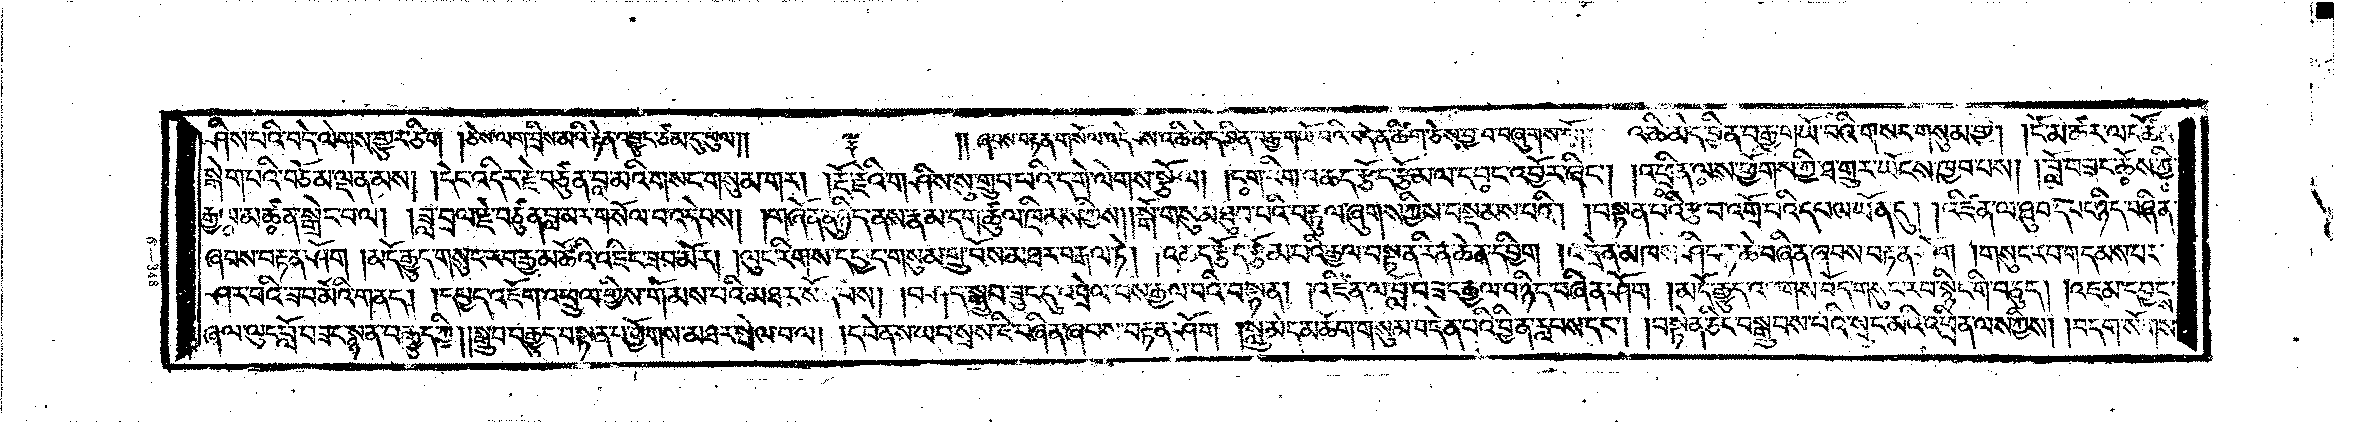ཤིས་པའི་བདེ་ལེགས་གྱུར་ཅིག་།ཅེས་ལག་བྲིས་མའི་རྟེན་འབྱུང་ཙམ་དུ་ཕུལ།། ༈ །།ཞབས་བརྟན་གསོལ་འདེབས་འཆི་མེད་བྱིན་བརྒྱ་གཡོ་བའི་བདེན་ཚིག་ཅེས་བྱ་བ་བཞུགས་སོ།།  འཆི་མེད་བྱིན་བརྒྱ་གཡོ་བའི་གསང་གསུམ་གྱི། །ངོ་མཚར་ལང་ཚོའི?
སྒེག་པའི་བཅོམ་ལྡན་མས། །དེང་འདིར་རྗེ་བཙུན་བཱ་མའི་གསང་གསུམ་གར། །རྡོ་རྗེའི་གཤིས་སུ་གྲུབ་པའི་དགེ་ལེགས་སྩོལ། །ངག྾་རིག་འཆད་རྩོད་རྩོམ་ལ་དབང྾་འབྱོར་ཞིང་། །འཕྲིན་ལས྾་ཕྱོགས་ཀྱི་ཐ་གྲུར་ཡོངས་ཁྱབ་པས། །བློ་བཟང་ཆོས྾་ཀྱི྾་
རྒྱལ྾་མཚན྾་སྒྲེང་བ་ལ། །ཟླ་བྲལ་རྗེ་བཙུན་བླ་མར་གསོལ་བ་འདེབས། །གཞོན་ནུ་ཉིད་ནས་རྣམ་དག་ཚུལ་ཁྲིམས་ཀྱིས། །སྒོ་གསུམ་ཐུབ་པའི་བརྟུལ་ཞུགས་ཀྱིས་བསྡམས་པའི། །བསྟན་པའི་རྩ་བ་འགྲོ་པའི་དཔལ་ཡོན་དུ། །འཛིན་ལ་ཐུབ་དབང་ཉིད་བཞིན་
ཞབས་བརྟན་ཤོག །མདོ་རྒྱུད་གསུང་རབ་རྒྱ་མཚོའི་འཇིང་ཟབ་མོར། །ལུང་རིགས་དབྱད་གསུམ་གྲུ་བོས་མཐར་བརྒལ་ཏེ། །འཆད་རྩོད་རྩོམ་པའི་རྒྱལ་བསྟན་རིན་ཆེན་དབྱིག །འདྲེན་མཁས་ཤིང་?་༡་ཆེ་བཞིན་ཞབས་བརྟན་ཤོག །གསུང་རབ་གདམས་པར་
ཤར་བའི་ཟབ་མོའི་གནད། །དཔྱད་འཇོག་འཕྲུལ་གྱིས་གོམས་པའི་མཐར་སོན་པས། །བཤད་སྒྲུབ་ཟུང་དུ་འབྲེལ་བས་རྒྱལ་བའི་བསྟན། །འཛིན་ལ་བློ་བཟང་རྒྱལ་བ་ཉིད་བཞིན་ཤོག །མདོ་རྒྱུད་འཕགས་བོད་གསུང་རབ་སྙིང་གི་བཅུད། །འཇམ་དབྱངས་
ཞལ་ལུང་བློ་བཟང་སྙན་བརྒྱུད་ཀྱི། །སྒྲུབ་བརྒྱུད་བསྟན་པ་ཕྱོགས་མཐར་སྤེལ་པ་ལ། །དབེན་ས་ཡབ་སྲས་ཇི་བཞིན་ཞབས་བརྟན་ཤོག །སླུ་མེད་མཆོག་གསུམ་བདེན་པའི་བྱིན་རླབས་དང་། །བསྟེན་ཅིང་བསྒྲུབས་པའི་སྲུང་མའི་འཕྲིན་ལས་ཀྱིས། །བདག་སོགས་